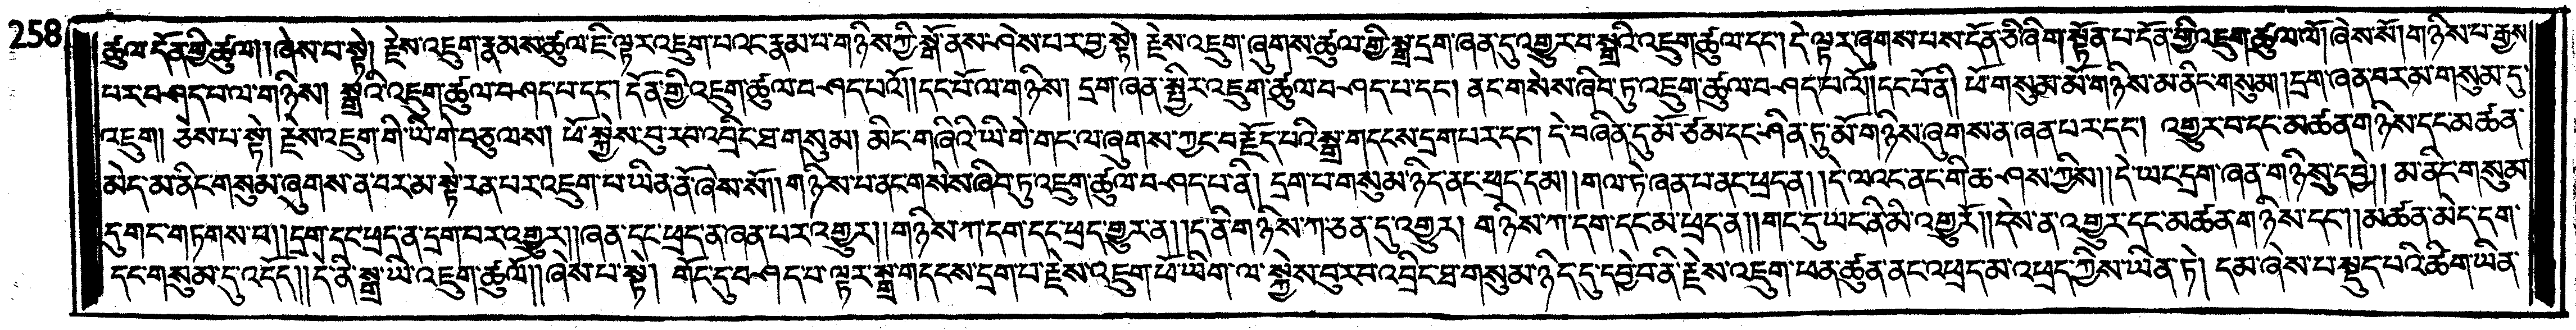ཚུལ་དོན་གྱི་ཚུལ། །ཞེས་པ་སྟེ། རྗེས་འཇུག་རྣམས་ཚུལ་ཇི་ལྟར་འཇུག་པའང་རྣམ་པ་གཉིས་ཀྱི་སྒོ་ནས་ཤེས་པར་བྱ་སྟེ། རྗེས་འཇུག་ཞུགས་ཚུལ་གྱི་སྒྲ་དྲག་ཞན་དུ་འགྱུར་བ་སྒྲའི་འཇུག་ཚུལ་དང་། དེ་ལྟར་ཞུགས་པས་དོན་ཅི་ཞིག་སྟོན་པ་དོན་གྱི་འཇུག་ཚུལ་ལོ། ཞེས་སོ། གཉིས་པ་རྒྱས་
པར་བཤད་པ་ལ་གཉིས། སྒྲའི་འཇུག་ཚུལ་བཤད་པ་དང་། དོན་གྱི་འཇུག་ཚུལ་བཤད་པའོ། །དང་པོ་ལ་གཉིས། དྲག་ཞན་སྤྱིར་འཇུག་ཚུལ་བཤད་པ་དང་། ནང་གསེས་ཞིབ་ཏུ་འཇུག་ཚུལ་བཤད་པའོ། །དང་པོ་ནི། ཕོ་གསུམ་མོ་གཉིས་མ་ནིང་གསུམ། །དྲག་ཞན་བར་མ་གསུམ་དུ་
འཇུག། ཅེས་པ་སྟེ། རྗེས་འཇུག་གི་ཡི་གེ་བཅུ་ལས། ཕོ་སྐྱེས་བུ་རབ་འབྲིང་ཐ་གསུམ། མིང་གཞིའི་ཡི་གེ་གང་ལ་ཞུགས་ཀྱང་བརྗོད་པའི་སྒྲ་གདངས་དྲག་པར་དང་། དེ་བཞིན་དུ་མོ་ཙམ་དང་ཤིན་ཏུ་མོ་གཉིས་ཞུགས་ན་ཞན་པར་དང་། འགྱུར་བ་དང་མཚན་གཉིས་དང་མཚན་
མེད་མ་ནིང་གསུམ་ཞུགས་ན་བར་མ་སྟེ་རན་པར་འཇུག་པ་ཡིན་ནོ་ཞེས་སོ། །གཉིས་པ་ནང་གསེས་ཞིབ་ཏུ་འཇུག་ཚུལ་བཤད་པ་ནི། དྲག་པ་གསུམ་ཉིད་ནང་ཕྲད་དམ། །གལ་ཏེ་ཞན་པ་ནང་ཕྲད་ན། །དེ་ལའང་ནང་གི་ཆ་ཤས་ཀྱིས། །དེ་ཡང་དྲག་ཞན་གཉིསུ་དབྱེ། །མ་ནིང་གསུམ་
དུ་གང་གཏགས་པ། །དྲག་དང་ཕྲད་ན་དྲག་བར་འགྱུར། །ཞན་དང་ཕྲད་ན་ཞན་པར་འགྱུར། །གཉིས་ཀ་དག་དང་ཕྲད་གྱུར་ན། །ད་ནི་གཉིས་ཀ་ཅན་དུ་འགྱུར། གཉིས་ཀ་དག་དང་མ་ཕྲད་ན། །གང་དུ་ཡང་ནི་མི་འགྱུརོ། །དེས་ན་འགྱུར་དང་མཚན་གཉིས་དང་། །མཚན་མེད་དག་
དང་གསུམ་དུ་འདོད། །དེ་ནི་སྒྲ་ཡི་འཇུག་ཚུལོ། །ཞེས་པ་སྟེ། གོང་དུ་བཤད་པ་ལྟར་སྒྲ་གདངས་དྲག་པ་རྗེས་འཇུག་ཕོ་ཡིག་ལ་སྐྱེས་བུར་བ་འབྲིང་ཐ་གསུམ་ཉིད་དུ་དབྱེ་བ་ནི་རྗེས་འཇུག་ཕན་ཚུན་ནང་འཕྲད་མ་འཕྲད་ཀྱིས་ཡིན་ཏེ། དམ་ཞེས་པ་སྡུད་པའི་ཚིག་ཡིན་